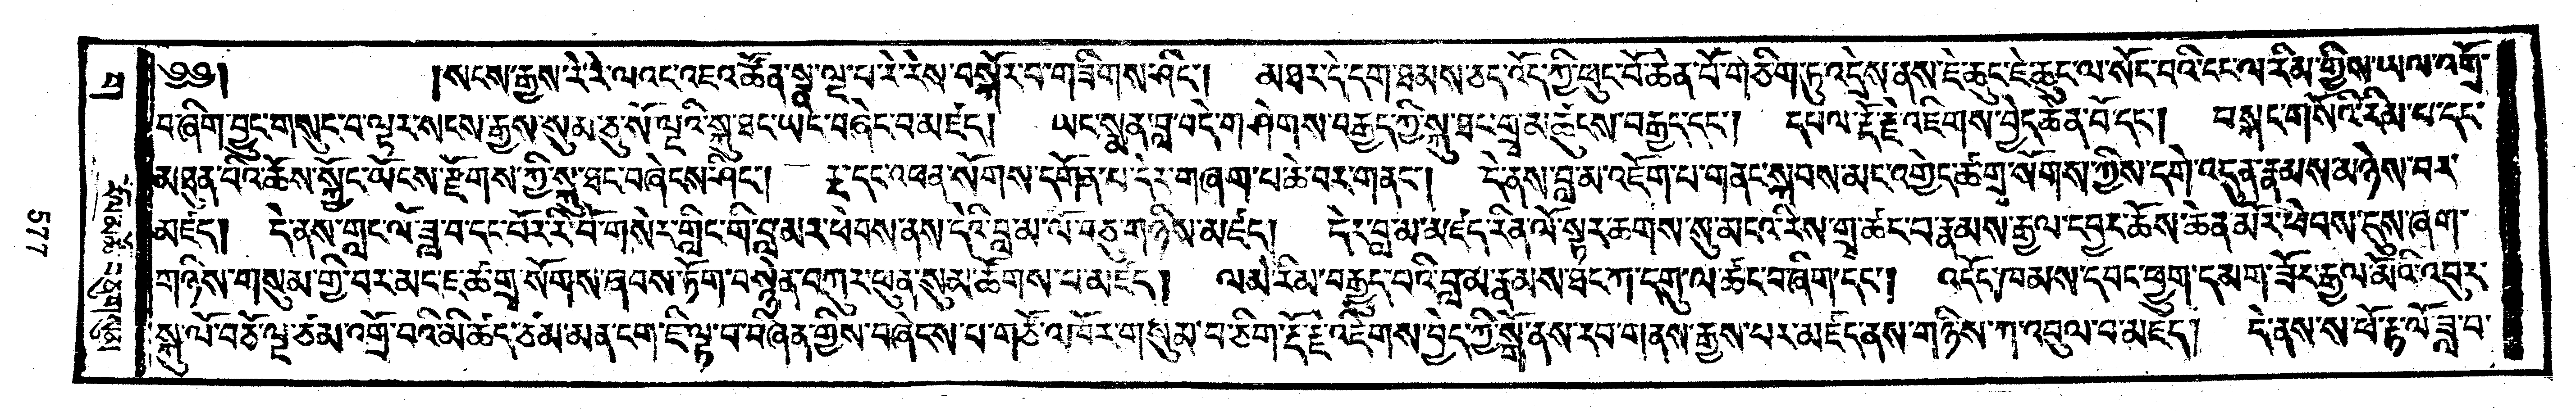༄༅། །སངས་རྒྱས་རེ་རེ་ལའང་འཇའ་ཚོན་སྣ་ལྔ་པ་རེ་རེས་བསྐོར་བ་གཟིགས་ཤིང་། མཐར་དེ་དག་ཐམས་ཅད་འོད་ཀྱི་ཕུང་བོ་ཆེན་པོ་གཅིག་ཏུ་འདྲེས་ནས་ཇེ་ཆུང་ཇེ་ཆུང་ལ་སོང་བའི་ངང་ལ་རིམ་གྱིས་ཡལ་འགྲོ་
བ་ཞིག་བྱུང་གསུང་བ་ལྟར་སངས་རྒྱས་སུམ་ཅུ་སོ་ལྔའི་སྐུ་ཐང་ཡང་བཞེད་བ་མཛད། ཡང་སྨན་བླ་བདེ་གཤེགས་བརྒྱད་ཀྱི་སྐུ་ཐང་གྲྭ་མཚུངས་བརྒྱད་དང་། དཔལ་རྡོ་རྗེ་འཇིགས་བྱེད་ཆེན་པོ་དང་། བསྐང་གསོའི་རིམ་པ་དང་
མཐུན་པའི་ཆོས་སྐྱོང་ཡོངས་རྫོགས་ཀྱི་སྐུ་ཐང་བཞེངས་ཤིང་། རྔ་དང་འཕན་སོགས་དགོན་པ་དེར་གཞག་པ་ཆེ་བར་གནང་། དེ་ནས་བླ་མ་འཇོག་པ་གནང་སྐབས་མང་འགྱེད་ཚ་གྲྭ་སོགས་ཀྱིས་དགེ་འདུན་རྣམས་མཉེས་བར་
མཛད། དེ་ནས་གླང་ལོ་ཟླ་བ་དང་པོར་རི་བོ་གསེར་གླིང་གི་བླ་མར་ཕེབས་ནས་དེའི་བླ་མ་ལོ་བཅུ་གཉིས་མཛད། དེར་བླ་མ་མཛད་རིན་ལོ་སྟར་ཆགས་སུ་མངའ་རིས་གྲྭ་ཚང་བ་རྣམས་རྒྱལ་དབྱང་ཆོས་ཆེན་མོར་ཕེབས་དུས་ཞག་
གཉིས་གསུམ་གྱི་བར་མང་ཇ་ཚ་གྲྭ་སོགས་ཞབས་ཏོག་བསྙེན་བཀུར་ཕུན་སུམ་ཚོགས་པ་མཛད། ལམ་རིམ་བརྒྱུད་པའི་བླ་མ་རྣམས་ཐང་ཀ་དགུ་ལ་ཚང་བ་ཞིག་དང་། འདོད་ཁམས་དབང་ཕྱུག་དམག་ཟོར་རྒྱལ་མོའི་འབུར་
སྐུ་ལོ་བཅོ་ལྔ་ཙམ་འགྲོ་བའི་མི་ཚད་ཙམ་མན་ངག་ཇི་ལྟ་བ་བཞིན་གྱིས་བཞེངས་པ་གཙོ་འཁོར་གསུམ་པ་ཅིག་རྡོ་རྗེ་འཇིགས་བྱེད་ཀྱི་སྒོ་ནས་རབ་གནས་རྒྱས་པར་མཛད་ནས་གཉིས་ཀ་འབུལ་བ་མཛད། དེ་ནས་ས་ཕོ་རྟ་ལོ་ཟླ་བ་